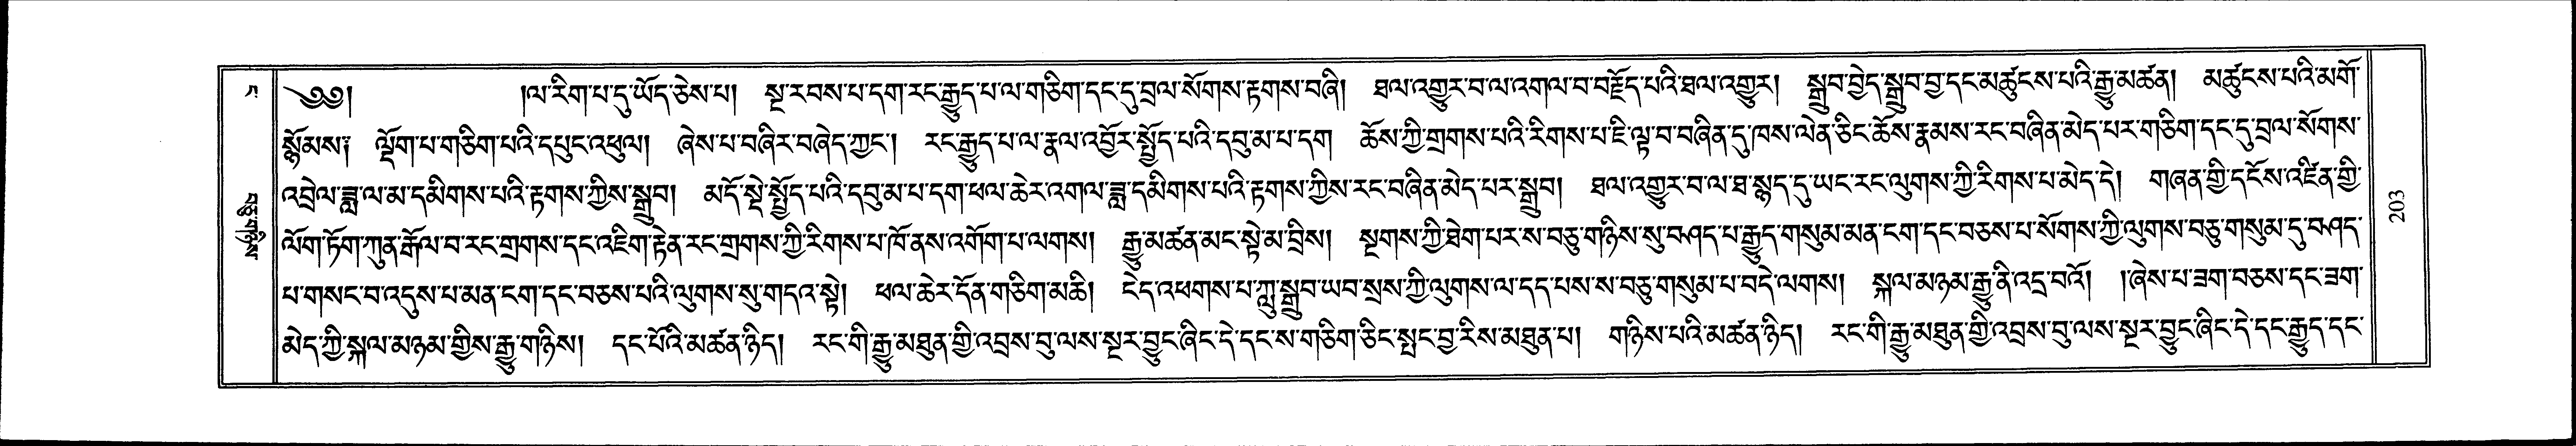༄༅། །ལ་རིག་པ་དུ་ཡོད་ཅེས་པ། སྔ་རབས་པ་དག་རང་རྒྱུད་པ་ལ་གཅིག་དང་དུ་བྲལ་སོགས་རྟགས་བཞི། ཐལ་འགྱུར་བ་ལ་འགལ་བ་བརྗོད་པའི་ཐལ་འགྱུར། སྒྲུབ་བྱེད་སྒྲུབ་བྱ་དང་མཚུངས་པའི་རྒྱུ་མཚན། མཚུངས་པའི་མགོ་
སྙོམས། ལྡོག་པ་གཅིག་པའི་དཔུང་འཕུལ། ཞེས་པ་བཞིར་བཞེད་ཀྱང་། རང་རྒྱུད་པ་ལ་རྣལ་འབྱོར་སྤྱོད་པའི་དབུ་མ་པ་དག་ཆོས་ཀྱི་གྲགས་པའི་རིགས་པ་ཇི་ལྟ་བ་བཞིན་དུ་ཁས་ལེན་ཅིང་ཆོས་རྣམས་རང་བཞིན་མེད་པར་གཅིག་དང་དུ་བྲལ་སོགས་
འབྲེལ་ཟླ་ལ་མ་དམིགས་པའི་རྟགས་ཀྱིས་སྒྲུབ། མདོ་སྡེ་སྤྱོད་པའི་དབུ་མ་པ་དག་ཕལ་ཆེར་འགལ་ཟླ་དམིགས་པའི་རྟགས་ཀྱིས་རང་བཞིན་མེད་པར་སྒྲུབ། ཐལ་འགྱུར་བ་ལ་ཐ་སྙད་དུ་ཡང་རང་ལུགས་ཀྱི་རིགས་པ་མེད་དེ། གཞན་གྱི་དངོས་འཛིན་གྱི་
ལོག་ཏོག་ཀུན་རྒོལ་བ་རང་གྲགས་དང་འཇིག་རྟེན་རང་གྲགས་ཀྱི་རིགས་པ་ཁོ་ནས་འགོག་པ་ལགས། རྒྱུ་མཚན་མང་སྟེ་མ་བྲིས། སྔགས་ཀྱི་ཐེག་པར་ས་བཅུ་གཉིས་སུ་བཤད་པ་རྒྱུད་གསུམ་མན་ངག་དང་བཅས་པ་སོགས་ཀྱི་ལུགས་བཅུ་གསུམ་དུ་བཤད་
པ་གསང་བ་འདུས་པ་མན་ངག་དང་བཅས་པའི་ལུགས་སུ་གདའ་སྟེ། ཕལ་ཆེར་དོན་གཅིག་མཆི། ངེད་འཕགས་པ་ཀླུ་སྒྲུབ་ཡབ་སྲས་ཀྱི་ལུགས་ལ་དད་པས་ས་བཅུ་གསུམ་པ་བདེ་ལགས། སྐལ་མཉམ་རྒྱུ་ནི་འདྲ་བའོ། །ཞེས་པ་ཟག་བཅས་དང་ཟག་
མེད་ཀྱི་སྐལ་མཉམ་གྱིས་རྒྱུ་གཉིས། དང་པོའི་མཚན་ཉིད། རང་གི་རྒྱུ་མཐུན་གྱི་འབྲས་བུ་ལས་སྔར་བྱུང་ཞིང་དེ་དང་ས་གཅིག་ཅིང་སྤང་བྱ་རིས་མཐུན་པ། གཉིས་པའི་མཚན་ཉིད། རང་གི་རྒྱུ་མཐུན་གྱི་འབྲས་བུ་ལས་སྔར་བྱུང་ཞིང་དེ་དང་རྒྱུད་དང་